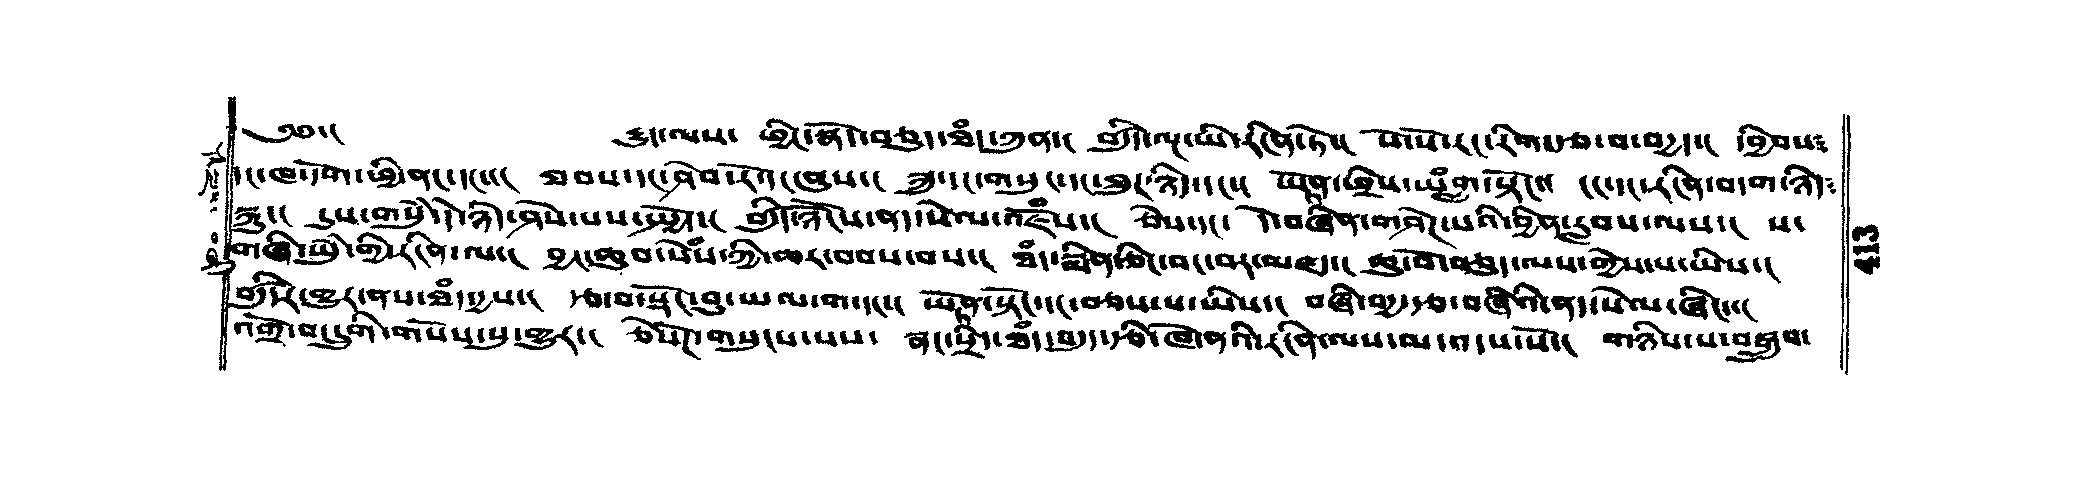རྒྱུད་ལས། ཕྱི་ནང་སྣོད་བཅུད་ཐམས་ཅད་ཀུན། །བདུད་རྩི་ལྔ་ཡི་རང་བཞིན་ཏེ། །སོ་སོ་རང་རིག་རྩ་བ་བརྒྱད། །དབྱིབས་
དང་ཁ་དོག་ཕྱི་ནང་དང་། །ཐབས་དང་ཤེས་རབ་རོ་དང་ནུས། །སྐུ་དང་གསུང་དང་ཐུགས་ཉིད་དང་། །ཡོན་ཏན་ཕྲིན་ལས་ཡན་ལག་སྟོང་། །ངང་དང་རང་བཞིན་བདག་ཉིད་
སྐུ། །དུས་གསུམ་དེ་ཉིད་ཤེས་པས་སྤྱོད། །བདུད་རྩི་ཉོན་མོངས་ནད་སེལ་འཇོམས། ཅེས་དང་། དེ་བཞིན་བཤེགས་པའི་བྱིན་རླབས་ལས། །ས་
གཞི་ཡུམ་གྱི་རང་བཞིན་ལ། །བྱང་ཆུབ་སེམས་ཀྱི་ཆར་བབས་པས། །ཐམས་ཅད་སྨིན་ཅིང་གང་བར་མཛད། །ཆུ་བོ་བཅུད་ལས་གྱེས་པ་ཡིས། །
བདུད་རྩིར་གྱུར་ནས་ཐམས་ཅད་རྒྱས། །རྩ་བ་སྡོང་བུ་ཡལ་ག་དང་། ཡོན་ཏན་སྟོང་དང་བཅས་པ་ཡིས། །བཞི་བརྒྱ་རྩ་བཞིའི་ནད་སེལ་ཞིང་། །
འགྲོ་བ་དྲུག་གི་གསོས་སུ་གྱུར། ཅེས་སོགས་གསུངས་པས་སྣང་སྲིད་ཐམས་ཅད་བདུད་རྩི་ཁོ་ནའི་རང་བཞིན་ལས་མ་འདས་སོ། གཉིས་པ་བསྒྲུབས་